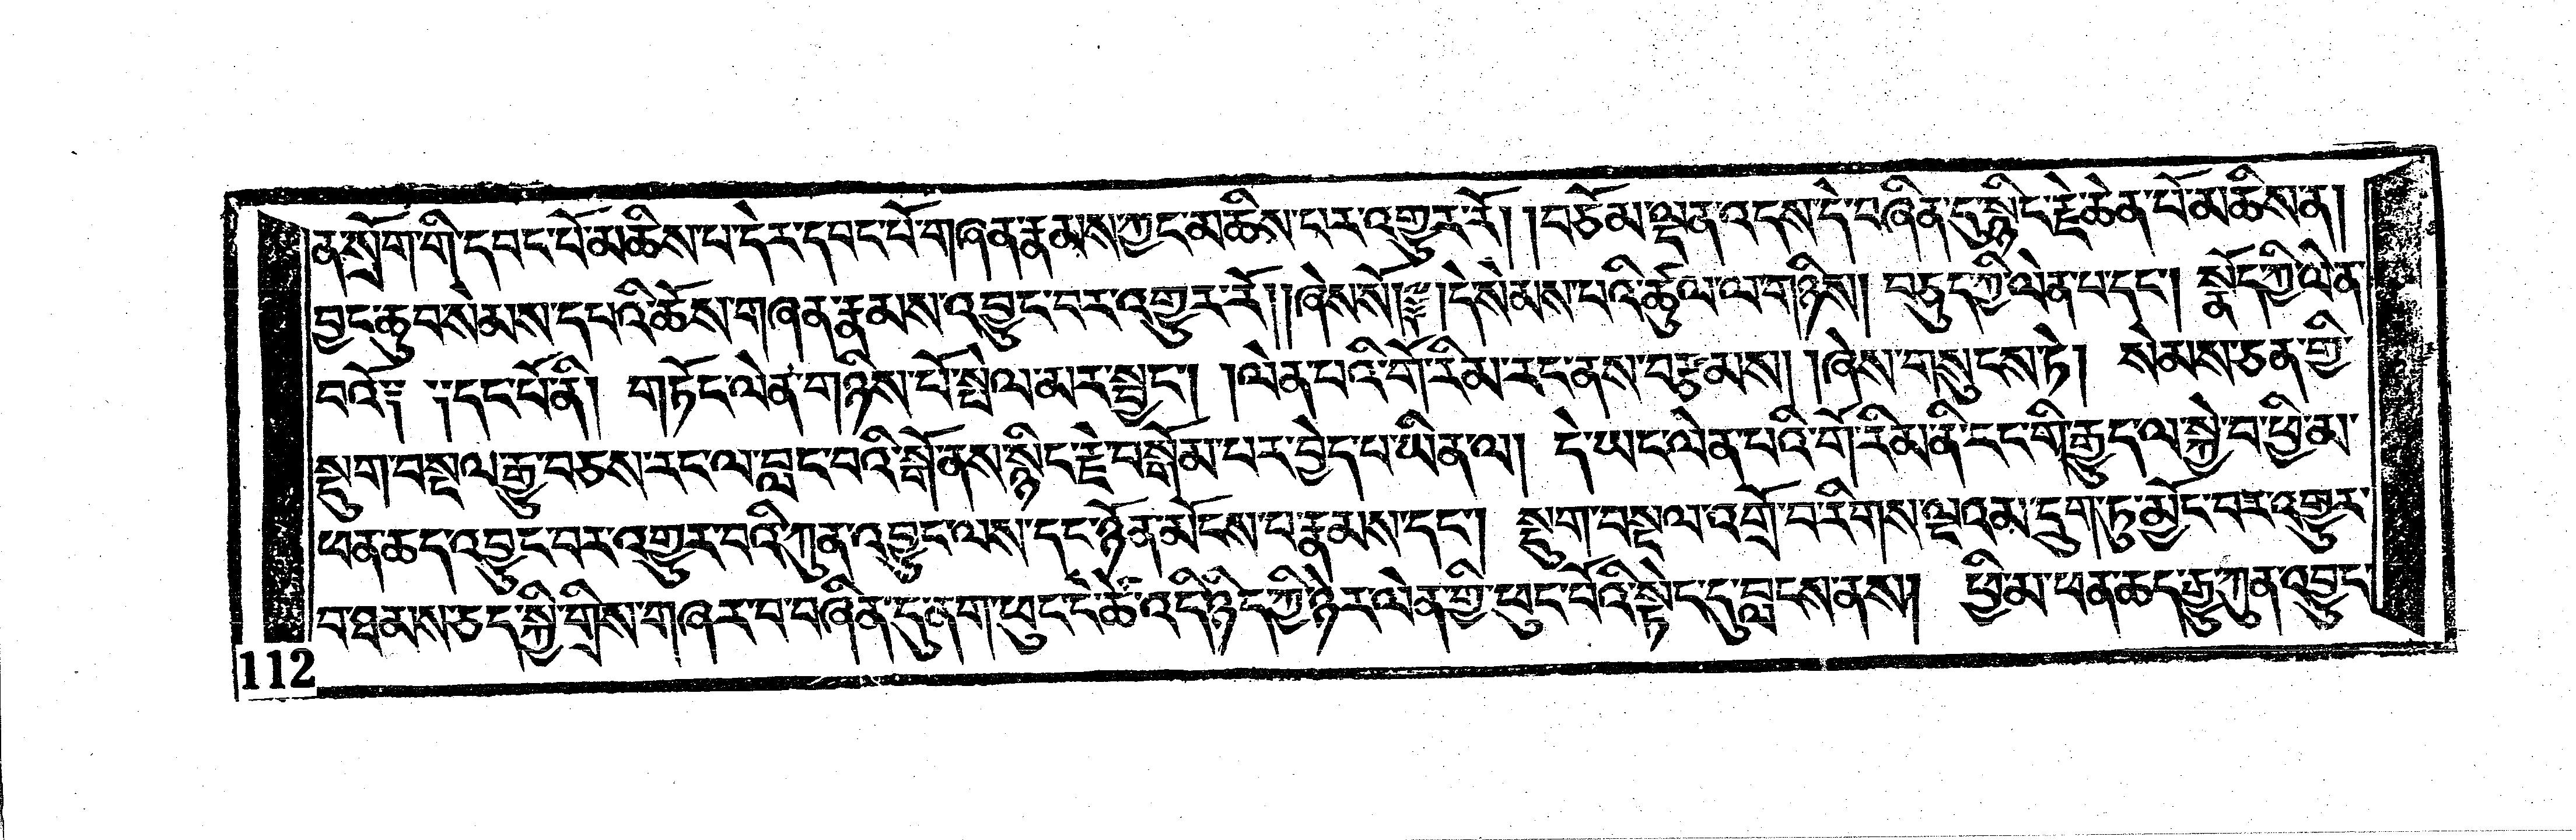ན་སྲོག་གི་དབང་པོ་མཆིས་པ་དེར་དབང་པོ་གཞན་རྣམས་ཀྱང་མཆིས་པར་འགྱུར་རོ། །བཅོམ་ལྡན་འདས་དེ་བཞིན་དུ་སྙིང་རྗེ་ཆེན་པོ་མཆིས་ན།
བྱང་ཆུབ་སེམས་དཔའི་ཆོས་གཞན་རྣམས་འབྱུང་བར་འགྱུར་རོ། །ཞེས་སོ། ༈ །དེ་སེམས་པའི་ཚུལ་ལ་གཉིས། བཅུད་ཀྱི་ལེན་པ་དང་། སྣོད་ཀྱི་ལེན་
བའོ༑ ༑དང་པོ་ནི། གཏོང་ལེན་གཉིས་པོ་སྤེལ་མར་སྦྱང་། །ལེན་པའི་གོ་རིམ་རང་ནས་བརྩམས། །ཞེས་གསུངས་ཏེ། སེམས་ཅན་གྱི་
སྡུག་བསྔལ་རྒྱུ་བཅས་རང་ལ་བླང་བའི་སྒོ་ནས་སྙིང་རྗེ་བསྒོམ་པར་བྱེད་པ་ཡིན་ལ། དེ་ཡང་ལེན་པའི་གོ་རིམ་ནི་རང་གི་རྒྱུད་ལ་སྐྱེ་བ་ཕྱི་མ་
ཕན་ཆད་འབྱུང་བར་འགྱུར་བའི་ཀུན་འབྱུང་ལས་དང་ཉོན་མོངས་པ་རྣམས་དང་། སྡུག་བསྔལ་འགྲོ་བ་རིགས་ལྔའམ་དྲུག་ཏུ་མྱོང་བར་འགྱུར་
བ་ཐམས་ཅད་སྐྱི་གྲིས་གཞར་བ་བཞིན་དུ་ནག་ཕུང་ངེ་ཚེ་འདི་ཉིད་ཀྱི་ཉེར་ལེན་གྱི་ཕུང་པོའི་སྟེང་དུ་བླངས་ནས། ཕྱི་མ་ཕན་ཆད་རྒྱུ་ཀུན་འབྱུང་